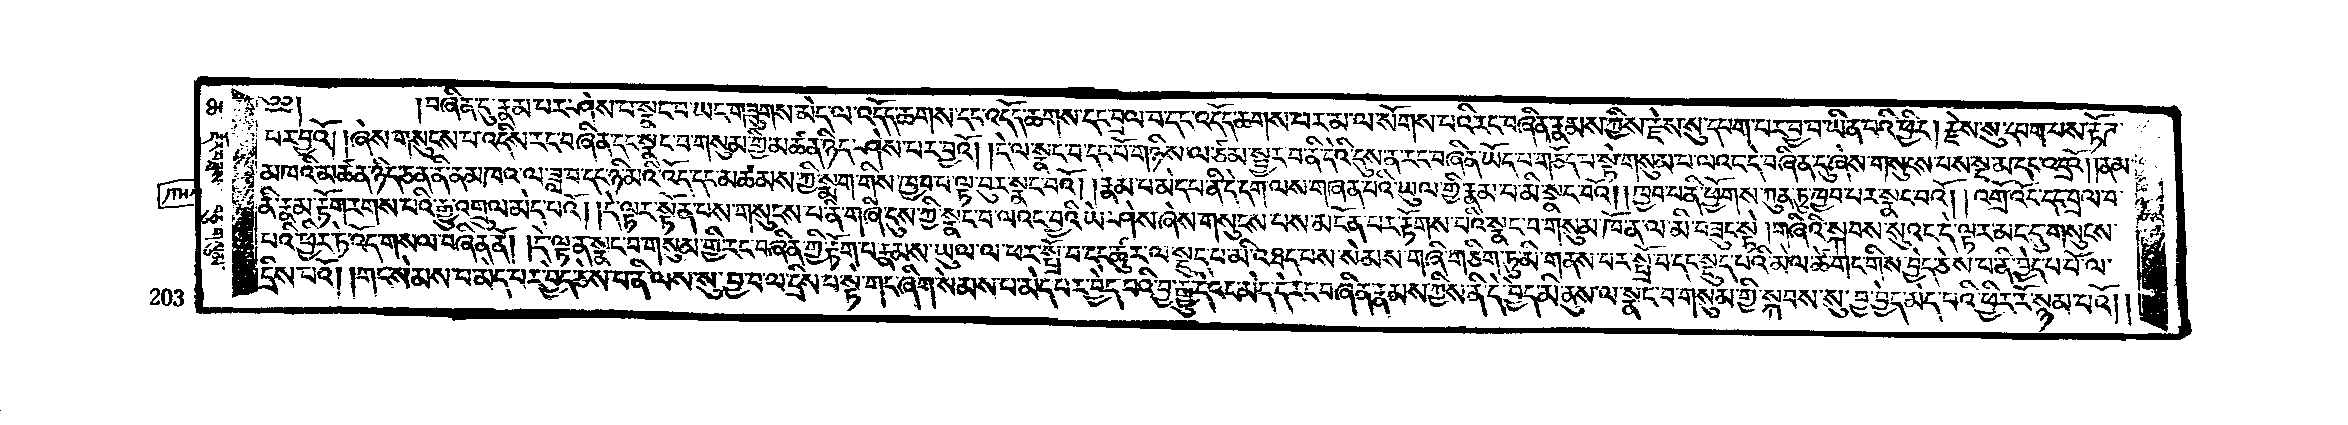༄༅། །བཞིན་དུ་རྣམ་པར་ཤེས་པ་སྣང་བ་ཡང་གཟུགས་མེད་ལ་འདོད་ཆགས་དང་འདོད་ཆགས་དང་བྲལ་བ་དང་འདོད་ཆགས་བར་མ་ལ་སོགས་པའི་རང་བཞིན་རྣམས་ཀྱིས་རྗེས་སུ་དཔག་པར་བྱ་བ་ཡིན་པའི་ཕྱིར། རྗེས་སུ་དཔག་པས་རྟོགས་
པར་བྱའོ། །ཞེས་གསུངས་པ་འདིས་རང་བཞིན་དང་སྣང་བ་གསུམ་གྱི་མཚན་ཉིད་ཤེས་པར་བྱའོ། །དེ་ལ་སྣང་བ་དང་པོ་གཉིས་ལ་ཙམ་སྦྱར་བ་ནི་དེའི་དུས་ན་རང་བཞིན་ཡོད་པ་གཅོད་པ་སྟེ་གསུམ་པ་ལའང་དེ་བཞིན་དུ་ཞེས་གསུངས་པས་སྔ་མ་དང་འདྲའོ། །ནམ་
མཁའི་མཚན་ཉིད་ཅན་ནི་ནམ་མཁའ་ལ་ཟླ་བ་དང་ཉི་མའི་འོད་དང་མཚམས་ཀྱི་སྨག་གིས་ཁྱབ་པ་ལྟ་བུར་སྣང་བའོ། །རྣམ་པ་མེད་པ་ནི་དེ་དག་ལས་གཞན་པའི་ཡུལ་གྱི་རྣམ་པ་མི་སྣང་བའོ། །ཁྱབ་པ་ནི་ཕྱོགས་ཀུན་ཏུ་ཁྱབ་པར་སྣང་བའོ། །འགྲོ་འོང་དང་བྲལ་བ་
ནི་རྣམ་རྟོག་རགས་པའི་རྒྱུ་འགྲུལ་མེད་པའོ། །དེ་ལྟར་སྟོན་པས་གསུངས་པ་ནི་གཞི་དུས་ཀྱི་སྣང་བ་ལའང་བྱའི་ཡེ་ཤེས་ཞེས་གསུངས་པས་མངོན་པར་རྟོགས་པའི་སྣང་བ་གསུམ་ཁོ་ན་ལ་མི་བཟུང་སྟེ། གཞིའི་སྐབས་སུའང་དེ་ལྟར་མང་དུ་གསུངས་
པའི་ཕྱིར་ཏེ་འོད་གསལ་བཞིན་ནོ། །དེ་ལྟ་ན་སྣང་བ་གསུམ་གྱི་རང་བཞིན་གྱི་རྟོག་པ་རྣམས་ཡུལ་ལ་ཕར་སྤྲོ་བ་དང་ཚུར་ལ་སྡུད་པ་མི་འཐད་པས་སེམས་གཞི་གཅིག་ཏུ་མི་གནས་པར་སྤྲོ་བ་དང་སྡུད་པའི་མེལ་ཚེ་གང་གིས་བྱེད་ཅེས་པ་ནི་བྱེད་པ་པོ་ལ་
དྲིས་པའོ། །གང་སེམས་པ་མེད་པར་བྱེད་ཅེས་པ་ནི་ལས་སུ་བྱ་བ་ལ་དྲིས་པ་སྟེ་གང་ཞིག་སེམས་པ་མེད་པར་བྱེད་པའི་བྱ་རྒྱུ་དེའང་མེད་དེ་རང་བཞིན་རྣམས་ཀྱིས་ནི་དེ་བྱེད་མི་ནུས་ལ་སྣང་བ་གསུམ་གྱི་སྐབས་སུ་བྱ་བྱེད་མེད་པའི་ཕྱིར་རོ་སྙམ་པའོ། །